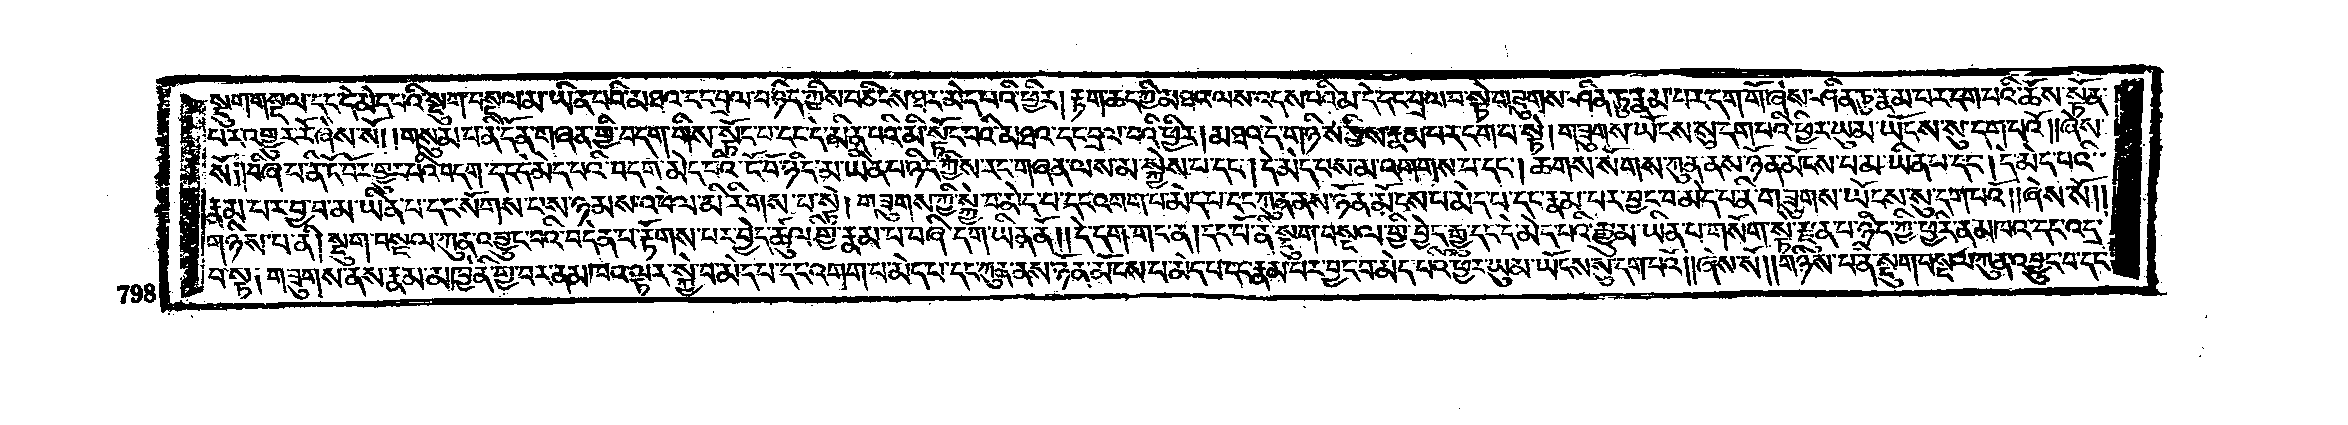སྡུག་བསྔལ་དང་དེ་མེད་པའི་སྡུག་བསྔལ་མ་ཡིན་པའི་མཐའ་དང་བྲལ་བ་ཉིད་ཀྱིས་བཅིངས་ཐར་མེད་པའི་ཕྱིར། རྟག་ཆད་ཀྱི་མཐའ་ལས་འདས་པའམ་དེ་དང་བྲལ་བ་སྟེ་གཟུགས་ཤིན་ཏུ་རྣམ་པར་དག་གོ་ཞེས་ཤིན་ཏུ་རྣམ་པར་དག་པའི་ཆོས་སྟོན་
པར་འགྱུར་རོ་ཞེས་སོ། །གསུམ་པ་ནི་དོན་གཞན་གྱི་བདག་གིས་སྟོང་པ་དང་དེ་མིན་པའི་མི་སྟོང་པའི་མཐའ་དང་བྲལ་བའི་ཕྱིར། མཐའ་དེ་གཉིས་ཀྱིས་རྣམ་པར་དག་པ་སྟེ། གཟུགས་ཡོངས་སུ་དག་པའི་ཕྱིར་ཡུམ་ཡོངས་སུ་དག་པའོ། །ཞེས་
སོ། །བཞི་པ་ནི་ངོ་བོར་གྱུར་པའི་བདག་དང་དེ་མེད་པའི་བདག་མེད་པའི་ངོ་བོ་ཉིད་མ་ཡིན་པ་ཉིད་ཀྱིས་རང་གཞན་ལས་མ་སྐྱེས་པ་དང་། དེ་མེད་པས་མ་འགགས་པ་དང་། ཆགས་སོགས་ཀུན་ནས་ཉོན་མོངས་པ་མ་ཡིན་པ་དང་། དེ་མེད་པའི་
རྣམ་པར་བྱ་བ་མ་ཡིན་པ་དང་སོགས་པས་ཉམས་འཕེལ་མི་རིགས་པ་སྟེ། གཟུགས་ཀྱི་སྐྱེ་བ་མེད་པ་དང་འགག་པ་མེད་པ་དང་ཀུན་ནས་ཉོན་མོངས་པ་མེད་པ་དང་རྣམ་པར་བྱང་བ་མེད་པ་ནི་གཟུགས་ཡོངས་སུ་དག་པའོ། །ཞེས་སོ། །
གཉིས་པ་ནི། སྡུག་བསྔལ་ཀུན་འབྱུང་བའི་བདེན་པ་རྟོགས་པར་བྱེད་ཚུལ་གྱི་རྣམ་པ་བཞི་དག་ཡིན་ནོ། །དེ་དག་གང་ན། དང་པོ་ནི་སྡུག་བསྔལ་གྱི་བྱེད་རྒྱུ་དང་དེ་མེད་པའི་རྒྱུ་མ་ཡིན་པ་གསོག་སྟེ་རྫུན་པ་ཉིད་ཀྱི་ཕྱིར་ནམ་མཁའ་དང་འདྲ་
བ་སྟེ། གཟུགས་ནས་རྣམ་མཁྱེན་གྱི་བར་ནམ་མཁའ་ལྟར་སྐྱེ་བ་མེད་པ་དང་འགག་པ་མེད་པ་དང་ཀུན་ནས་ཉོན་མོངས་པ་མེད་པ་དང་རྣམ་པར་བྱང་བ་མེད་པའི་ཕྱིར་ཡུམ་ཡོངས་སུ་དག་པའོ། །ཞེས་སོ། །གཉིས་པ་ནི་སྡུག་བསྔལ་ཀུན་འབྱུང་བ་དང་